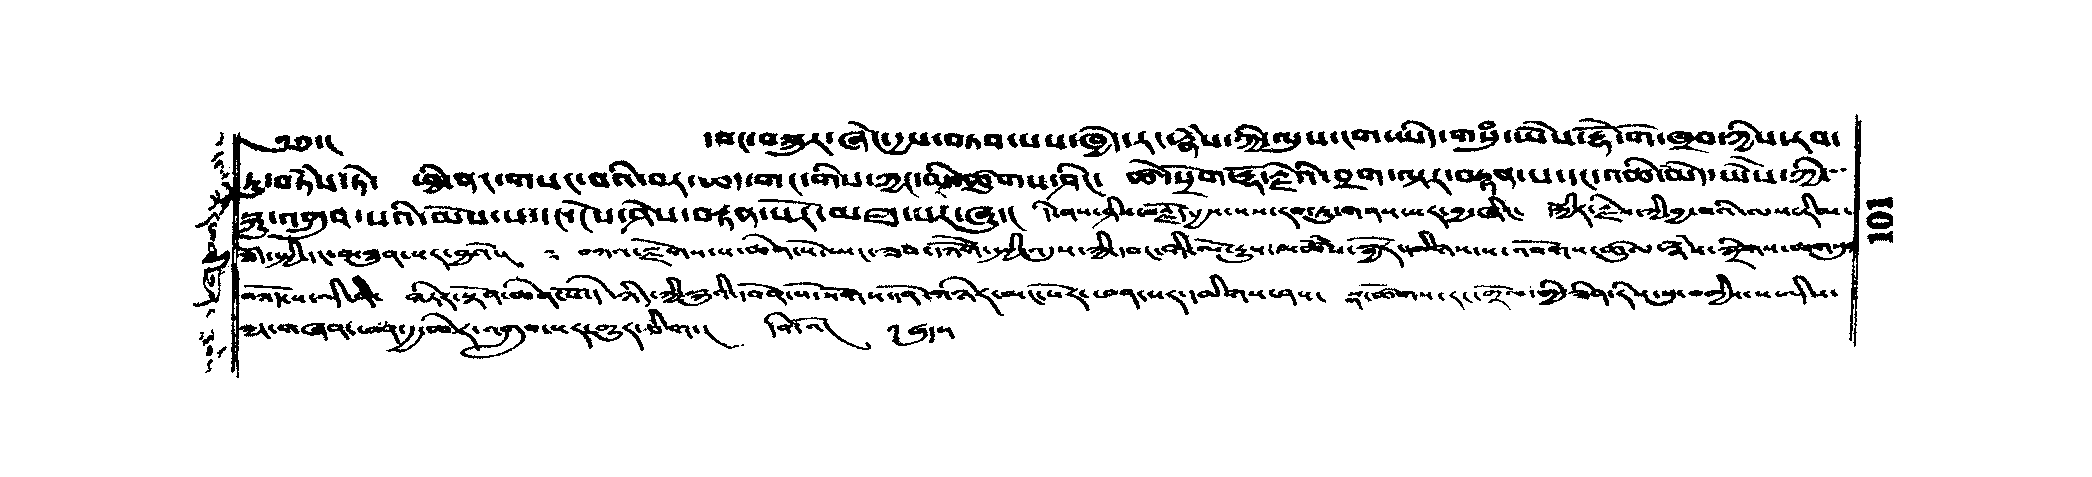དབང་བསྐུར་ཞིང་རྒྱས་བཏབ་པས་ཁྱེད་རང་རྣམས་ཀྱི་ལུས་ངག་ཡིད་གསུམ་ཡེ་ཤེས་རྡོ་རྗེ་གོ་ཁྲབ་ཀྱིས་རབ་
ཏུ་བཏམས་ཏེ། ཕྱི་ནང་གསང་བའི་བར་ཆད་གང་གིས་ཀྱང་མི་ཚུགས་ཤིང་། ཚེ་སྲོག་རྡོ་རྗེའི་བྲག་ལྟར་བརྟན་པ་དང་འཆི་མེད་ཡེ་ཤེས་ཀྱི་
སྐུ་འགྲུབ་པའི་མོས་པ་དང་ངེས་ཤེས་བརྟན་པོ་མཛད་པར་ཞུ། དེ་ནས་ཤིས་བརྗོད་རྒྱས་པས་རབ་ཏུ་གནས་པར་བྱ་ཞིང་། དཀྱིལ་འཁོར་རྗེས་ཀྱི་བྱ་བའི་ལས་རིམ་
ཐམས་ཅད་སྤྱི་དང་མཐུན་པར་བྱའོ། ༈ བཀའ་རྫོགས་པ་ཆེན་པོ་ཡང་ཟབ་དཀོན་མཆོག་སྤྱི་འདུས་ཀྱི་དབང་གི་ལོ་རྒྱུས་མཚམས་སྦྱོར་དམིགས་པ་འབོགས་ཚུལ་རྣམས་སྒྲིགས་ཆགས་སུ་
བཀོད་པ་འདི་ནི། གཏེར་སྟོན་ཆེན་པོ་དེ་ཉིད་ཀྱི་སྐུའི་དབོན་པོ་སོགས་དོན་གཉེར་མང་པོར་ཕན་པར་དམིགས་ནས། སྣ་ཚོགས་རང་གྲོལ་གྱི་ཟིན་རིས་སུ་བགྱིས་པ་འདིས་
ཀྱང་གཞན་ཕན་རྒྱ་ཆེར་འགྲུབ་པར་གྱུར་ཅིག་དགེའོ།